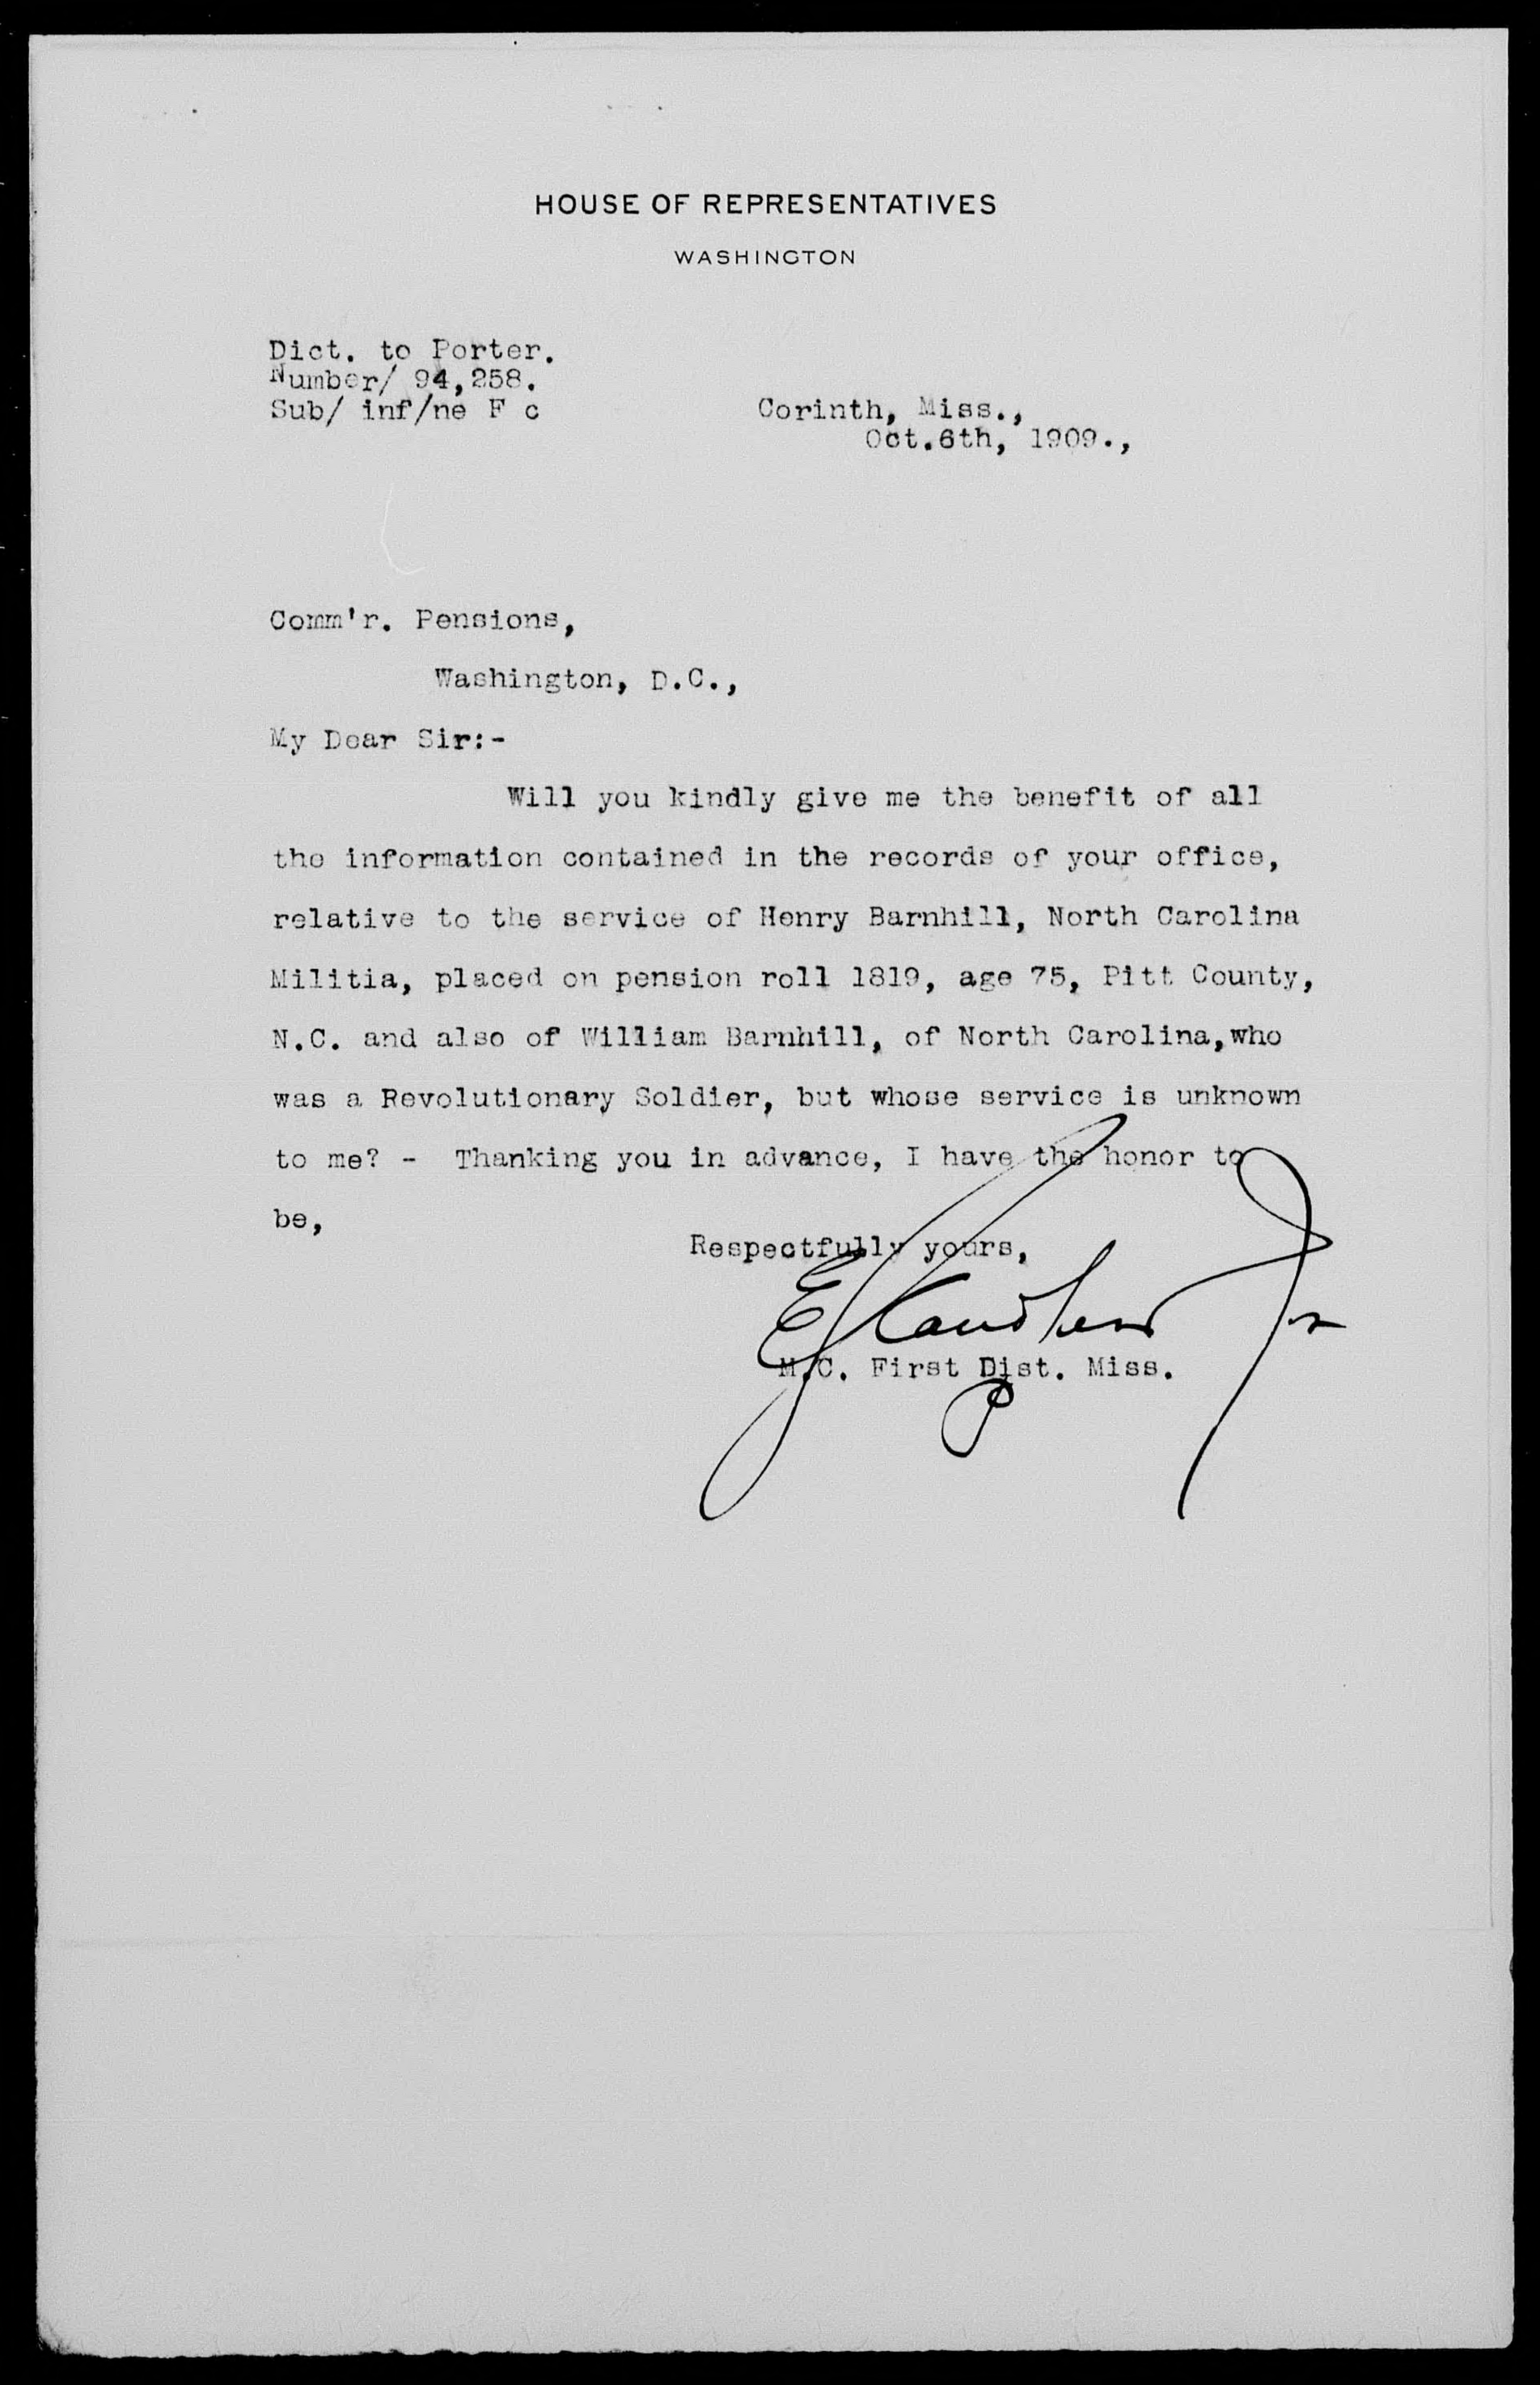HOUSE OF REPRESENTATIVES
WASHINGTON

Dict. to Porter.
Number/ 94, 258.
Sub/ inf/ ne F c

Corinth, Miss.,
Oct. 6th, 1909.,

Comm'r Pensions,
Washington, D.C.,
My Dear Sir:-
Will you kindly give me the benefit of all the information contained in the records of your office, relative to the service of Henry Barnhill, North Carolina Militia, placed on pension roll1819, age 75, Pitt County, N.C. and also of William Barnhill, of North Carolina, who was a Revolutionary Soldier, but whose service is unknown to me? - Thanking you in advance, I have the honor to be,

Respectfully yours,
S/ES Canoher Jr
M.C. First Dist. Miss.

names: E S Landherr, William Barnhill, Henry Barnhill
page: 40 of 42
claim: survivor's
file: S. 6579, Henry Barnhill, N. C.